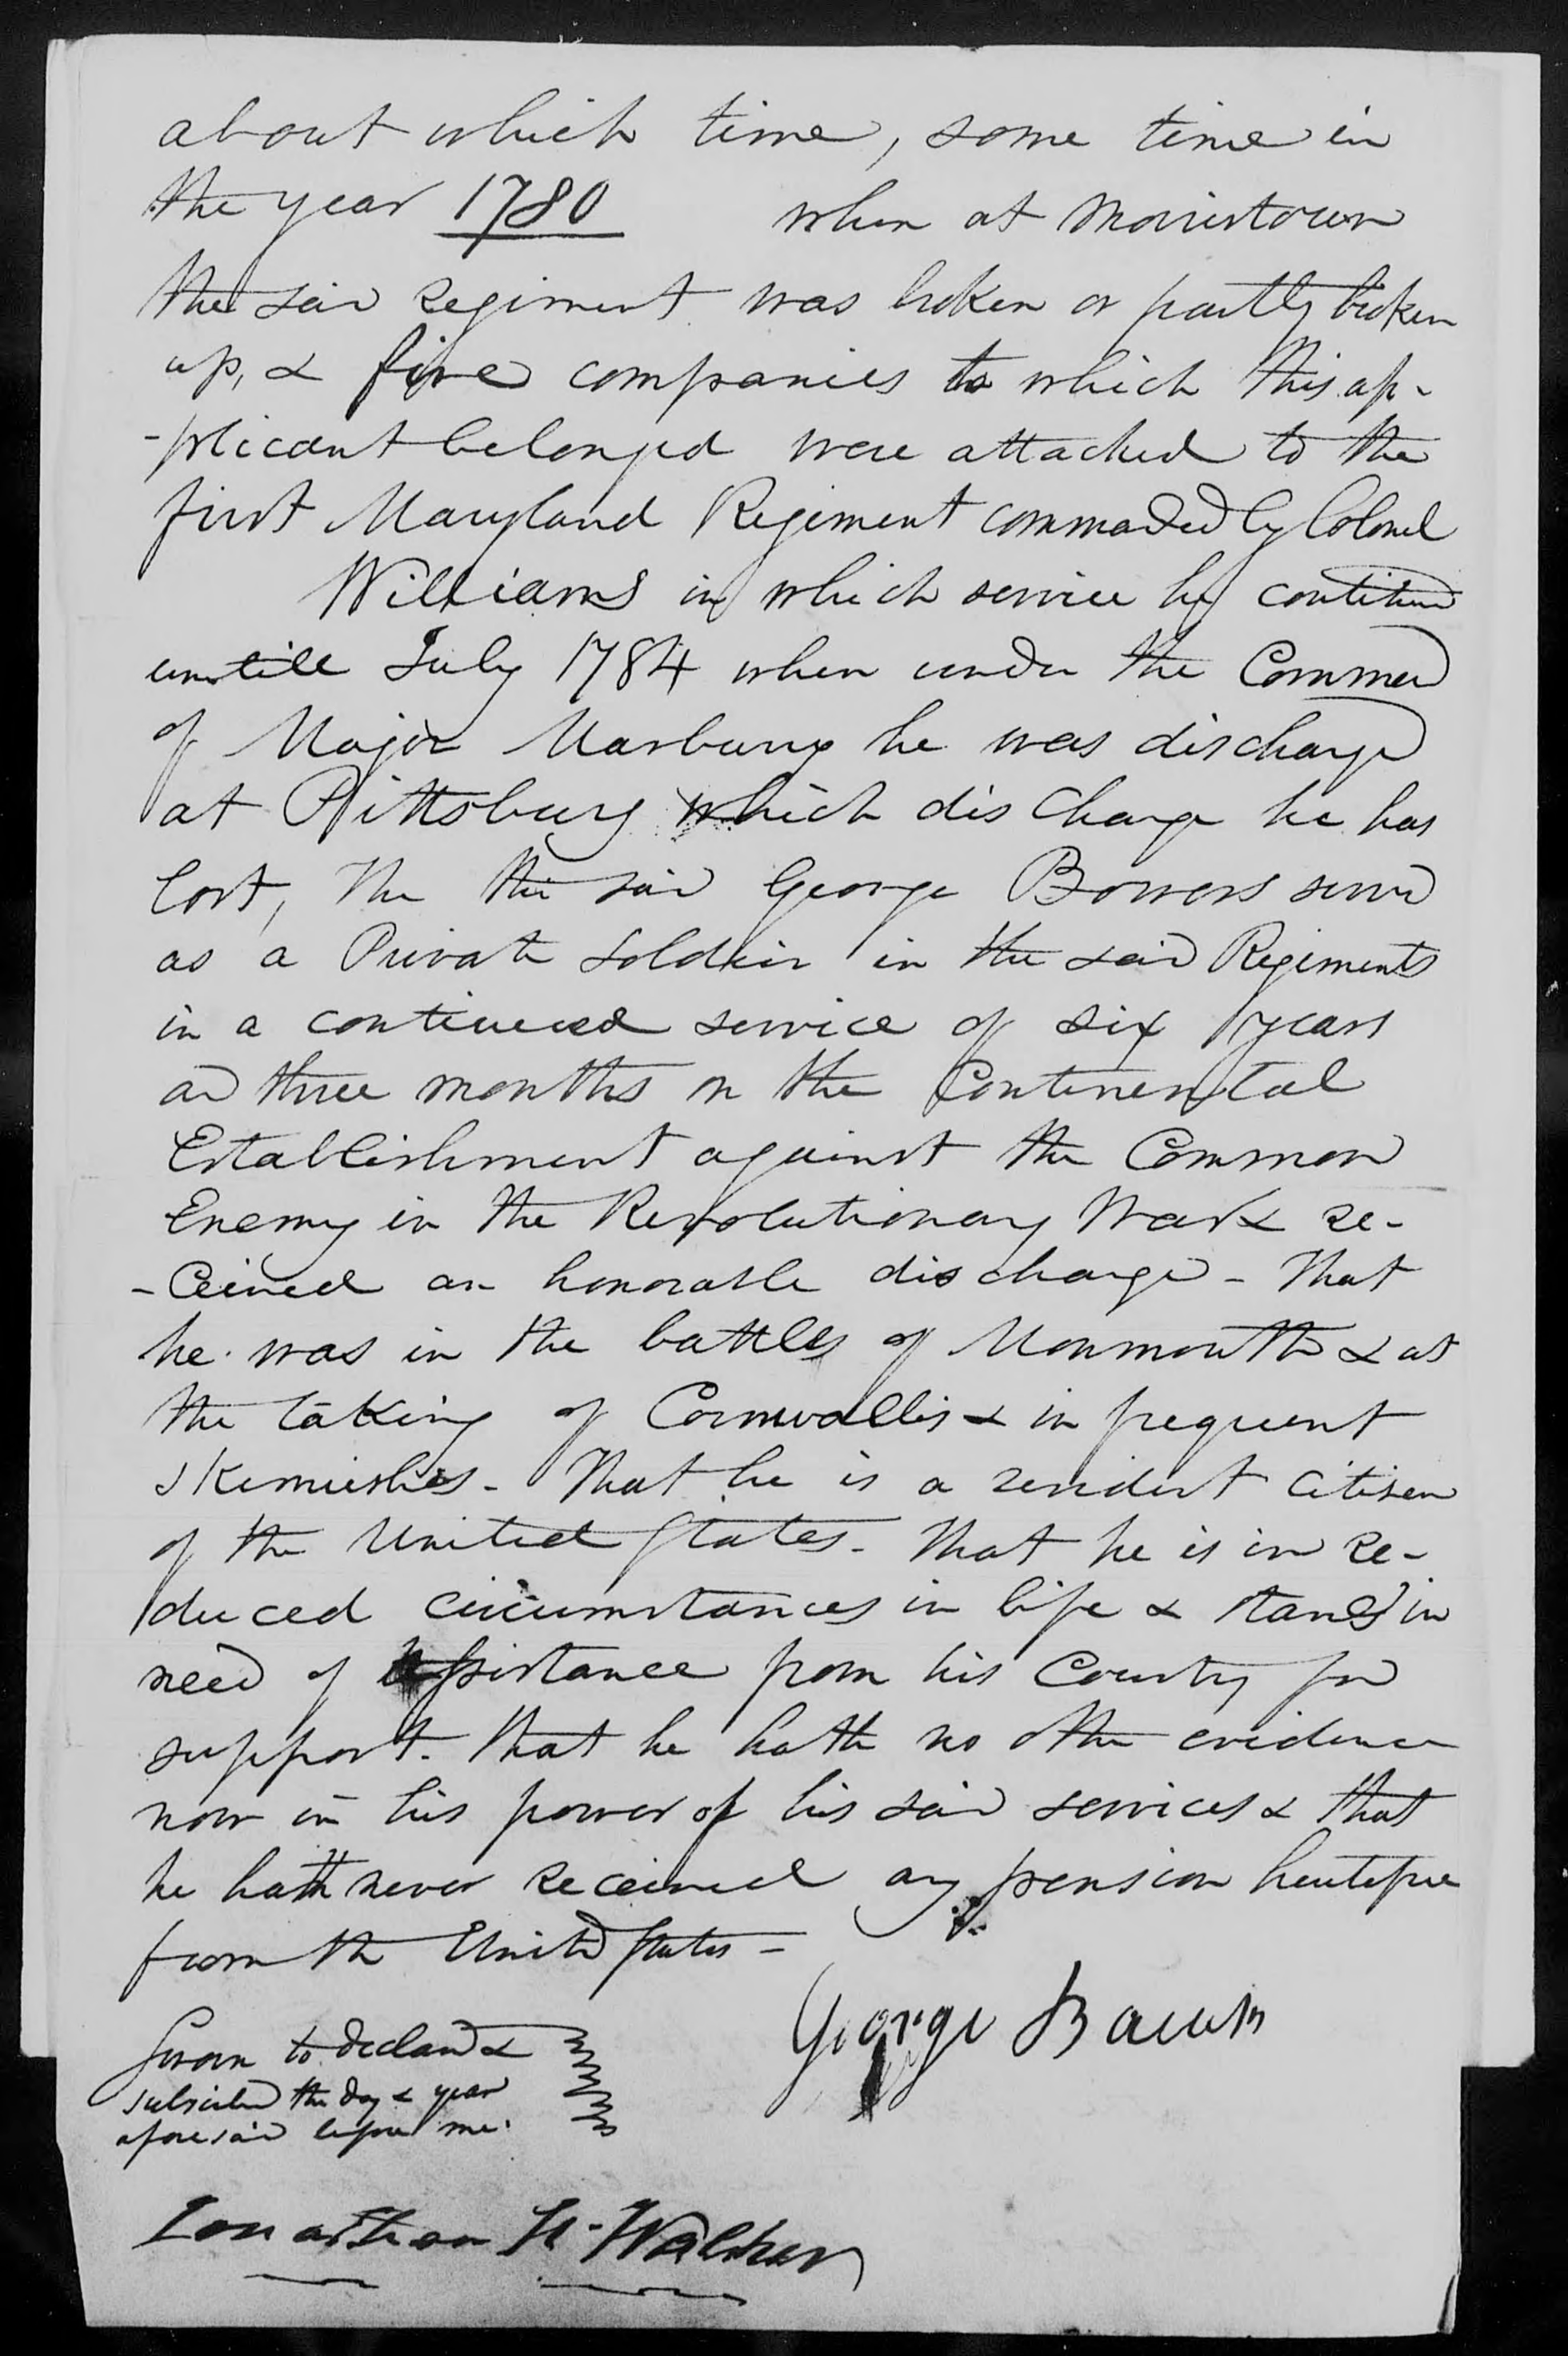[handwritten]
about which time, some time in the year 1780 when at Morristown the said regiment was broken or partly broken up & five companies to which this applicant belonged were attached to the First Maryland Regiment commanded by Colonel Williams in which service he continued untill July 1784 when under the Commn [Command] of Major Marburry ;Marbury] he was discharged at Pittsburg which discharge he has lost. The said George Bowers served as a Private Soldier in the said Regiments in a continue Service of six years and three months on the Continental Establishment against the Common Enemy in the Revolutionary War & received an honorable discharge - That he was in the battles of Monmouth & also the taking of Cornwallis & in frequent skirmishes. That he is a resident citizen of the United States. That he is in Reduced circumstances in life & stands in need of assistance from his Country for support.  That he hath no other evidence now in his power of his said services & that he hath never Received any pension heretofore from the United States.
[signed]
George Bowers

Sworn to order & subscribed the day & years aforesaid before me
Jonathan H. Walker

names: George Bowers, Jonathan F Walker, Marburry, Williams, George Bowers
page: 5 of 19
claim: survivor's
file: S. 40,018, George Bowers, Md